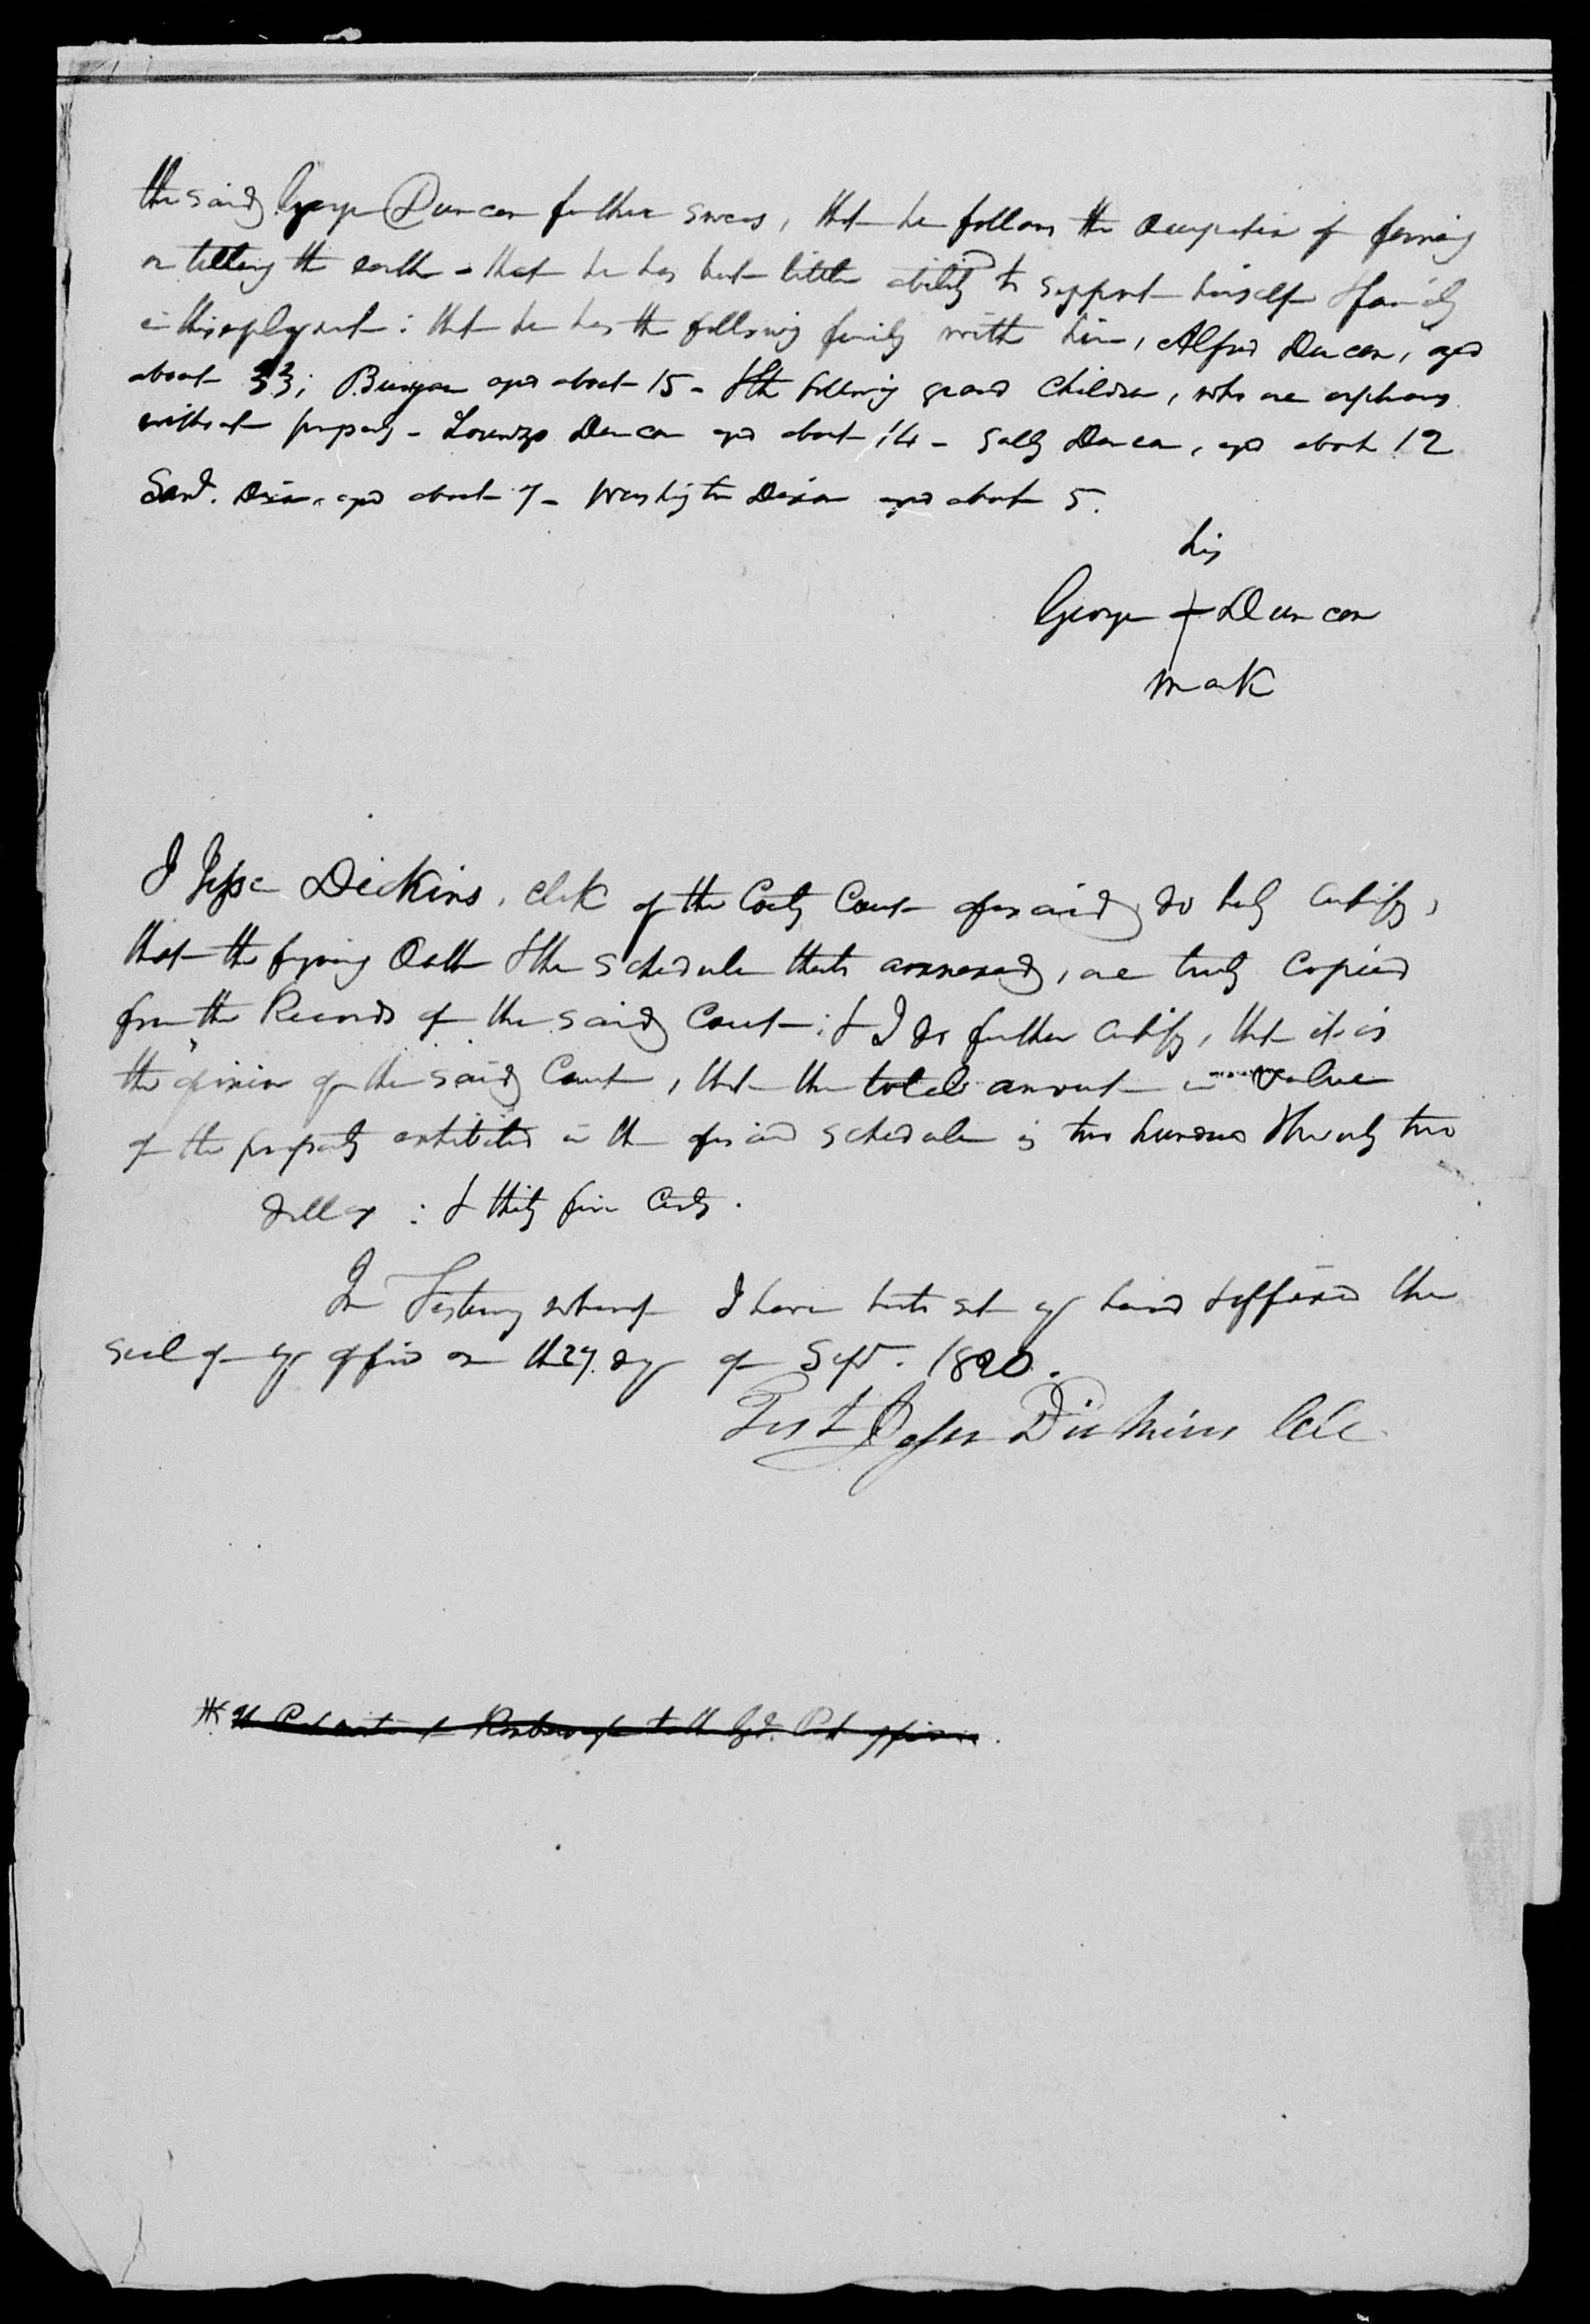the said George Duncan further swears, that he follows the occupation of farming or tilling the earth and that he has but little ability to support himself and family in this employment  that he has the following family with him, Alfred Duncan aged about 33; Benjamin aged about 15.  The following grand children, who are orphans without property- Lorenzo Duncan aged about 14, Sally Duncan aged about  12, Samuel Dixon aged about 7, Washington Dixon aged about 5.

his
George  X   Duncan
mark


I Jesse Dickins, clerk of the County Court aforesaid do hereby certify, that the foregoing oath the schedule that is annexed, are true copies from the Record of the said Court; and I do further certify, that it is the opinion of the said Court, that the total amount in value of the property exhibited in the aforesaid schedule is two hundred thirty two dollars:  & thirty five cents.

In Testimony whereof I have hereunto set my hand and affixed the  seal of office on the 27 day of September 1820.

[illegible] Jesses Dickins Clerk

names: Jesse Dickins, Lounzo Duncan, George Duncan, Alford Duncan, George Duncan, Jessee Dickins, Saml Dixon, Sally Duncan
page: 7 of 49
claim: survivor's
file: S. 41513, George Duncan, N.C.